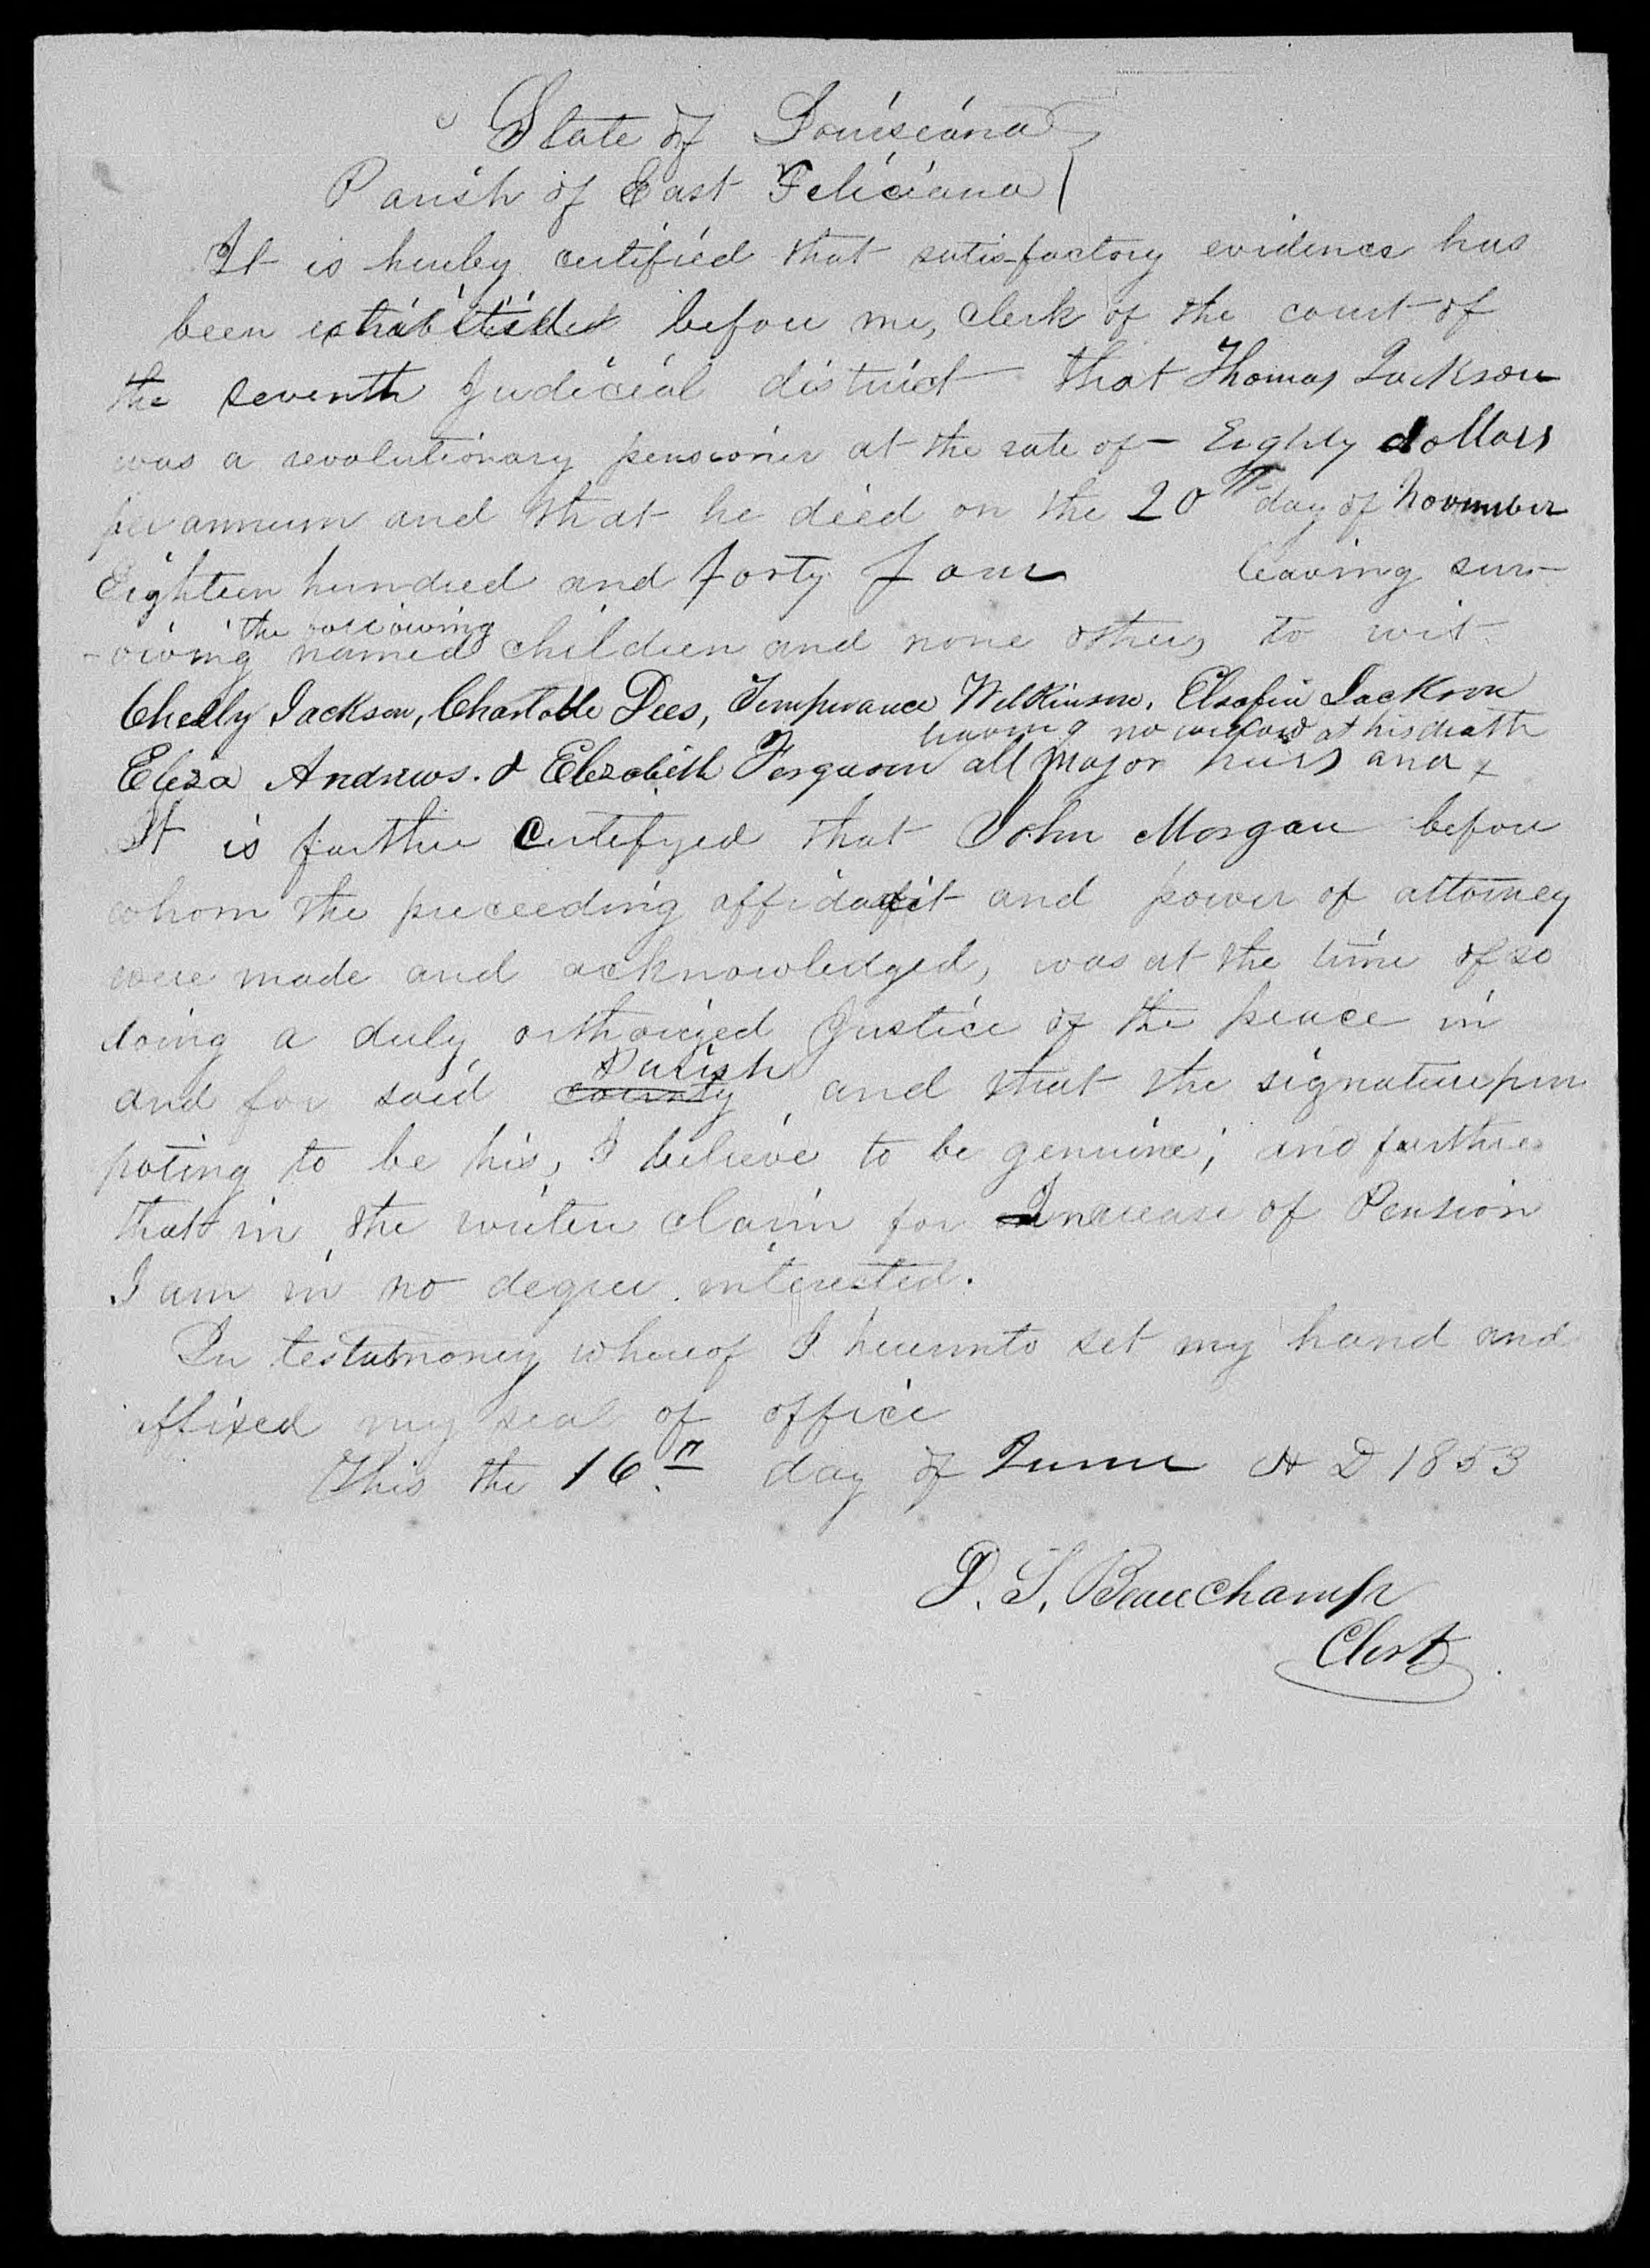State of Louisiana )
Parish of East Feliciana )

It is hereby certified that satisfactory evidence has
been exhibited before me, Clerk of the court of
the seventh Judicial district that Thomas Jackson
was a revolutionary pensioner at the rate of Eighty dollars
per annum and that he died on the 20th day of November
Eighteen hundred and forty four leaving surviving
^the following^ children and none others to wit
Chelly Jackson, Charlotte Dees, Temperance Wilkinson, Elsofin Jackson
Eliza Andrews & Elizabeth Ferguson ^leaving no widow at his death^ all Major heirs and
It is further certifyed that John Morgan before
whom the preceeding affidavit and power of attorney
were made and acknowledged, was at the time of so
doing a duly authorized Justice of the peace in
and for said ^Parish and that the signature purporting 
to be his, I believe to be genuine; and further
that in the written claim for increase of Pension
I am in no degree interested.
In testimony whereof I hereunto set my hand and
affixed my seal of office
This the 16th day of June A D 1853

J.T. Beauchamp
Clerk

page: 17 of 54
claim: survivor's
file: S. 31166, for Thomas Jackson, South Carolina